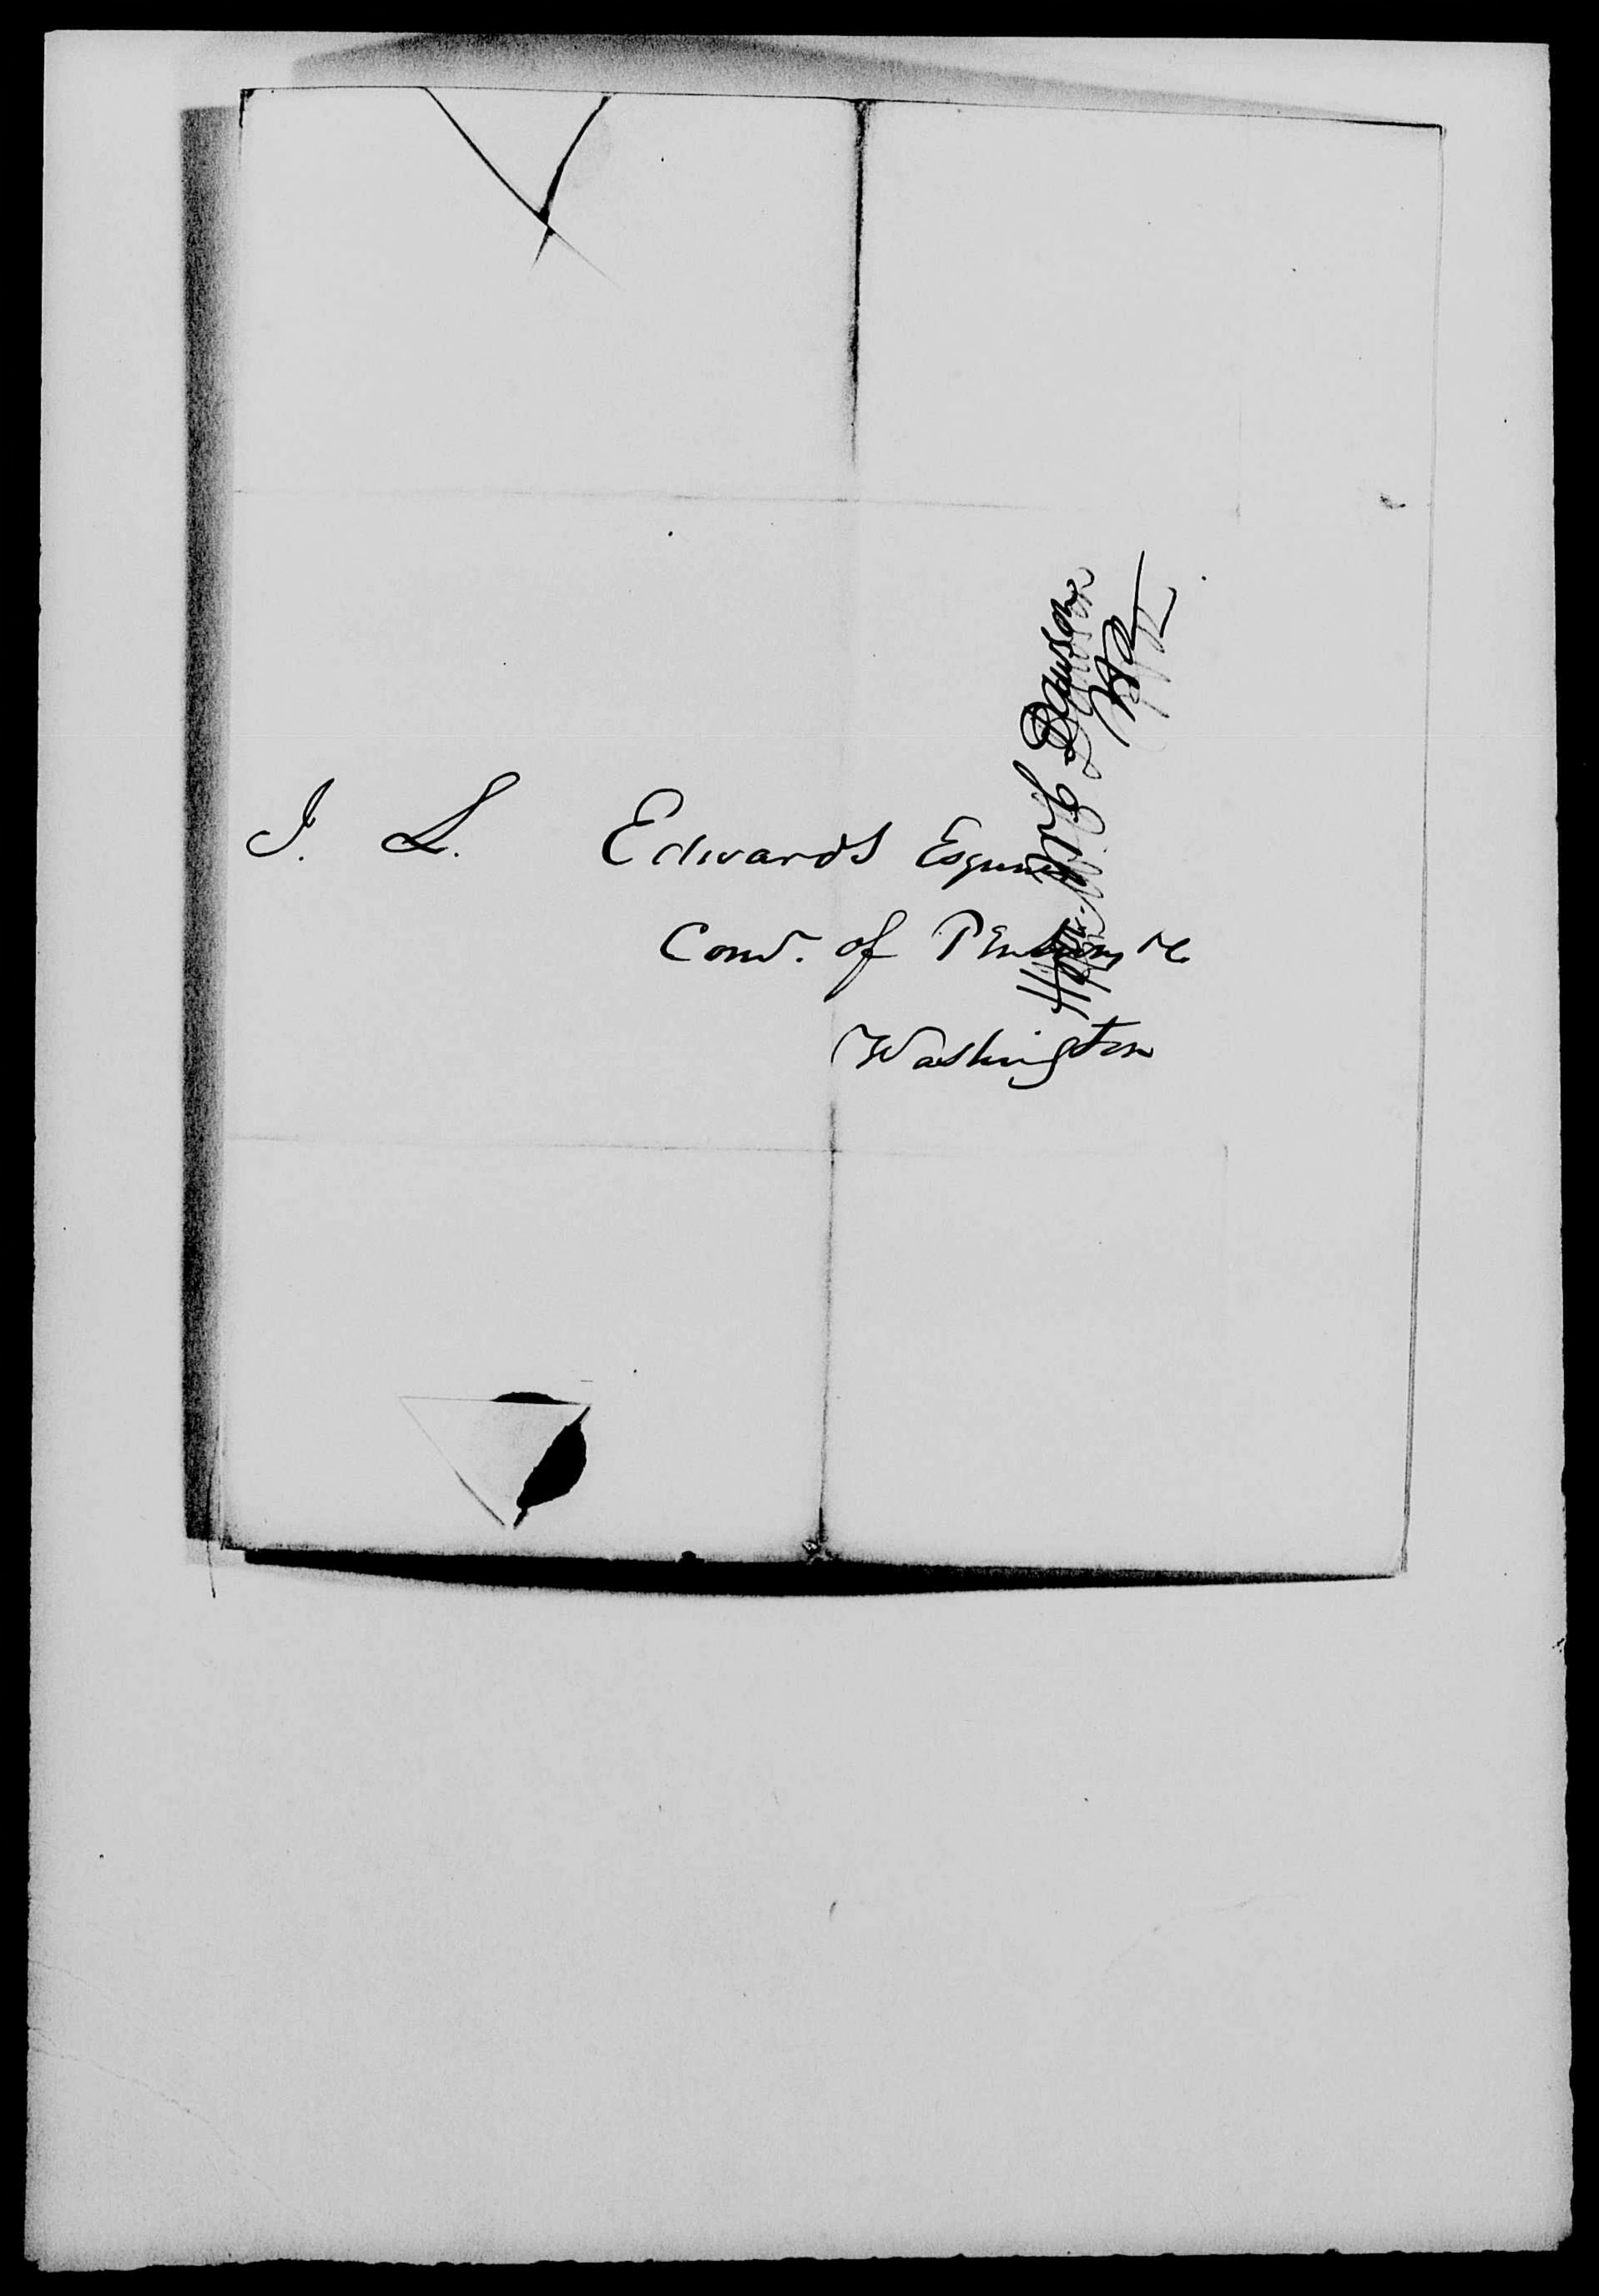J L Edwards Esquire
Court of [illegible]
Washington

Hon W C Dawson   W R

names: J L Edwards, Wm C Dawson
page: 10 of 14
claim: rejected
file: R. 2,877, Josiah Dennis, Md.